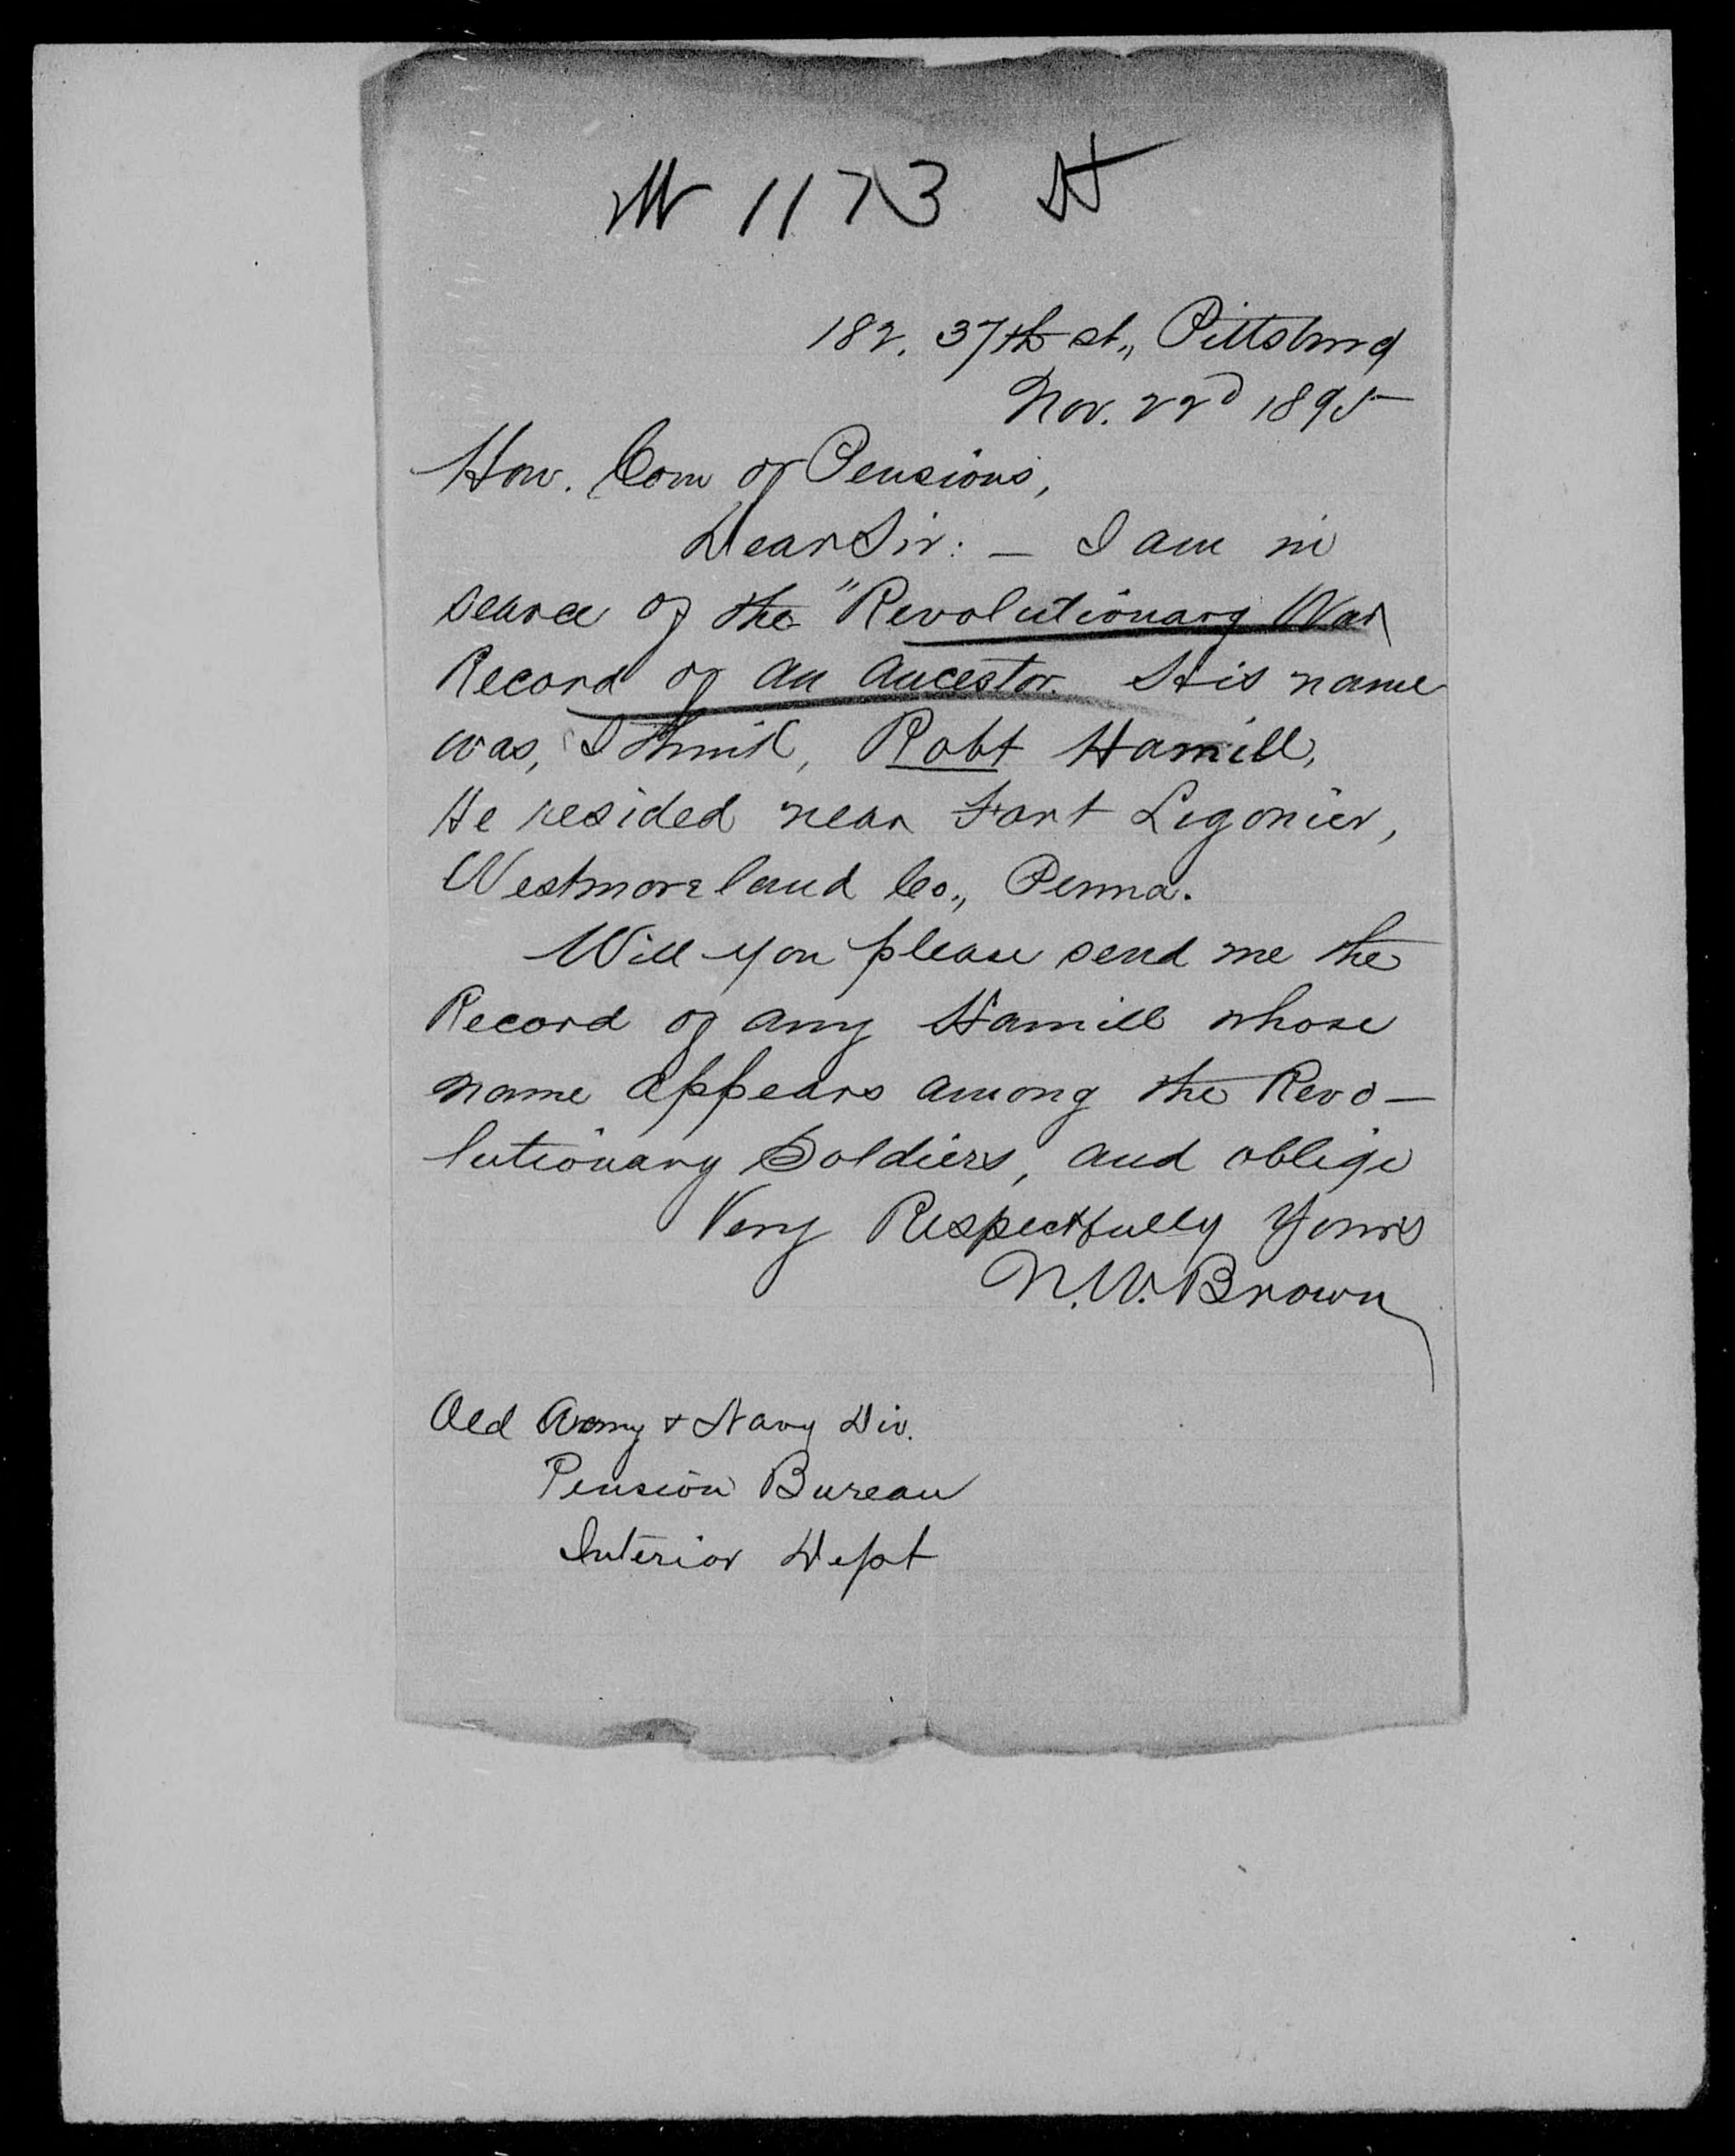[M] 1173 [illegible]
182 37th st., [Pittsburgh]
Nov. 22d 1895
[illegible] of Pensions,
Dear Sir I am in search of the "Revolutionary War
Record of an ancestor. His name
was, I think, Robert Hamill,
He resided near Fort Ligonier,
Westmoreland Co., Penna.
Will you please send me the record of any Hamill whose name appears among the Revolutionary
Soldiers, and oblige
Very Respectfully Yours
N.W. Brown
Old Army and Navy Div.
Pension Bureau
Interior Dept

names: Robt Hamill, Hamill, N W Brown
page: 43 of 92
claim: widow's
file: W 1173, Robert Hamill, Penn.